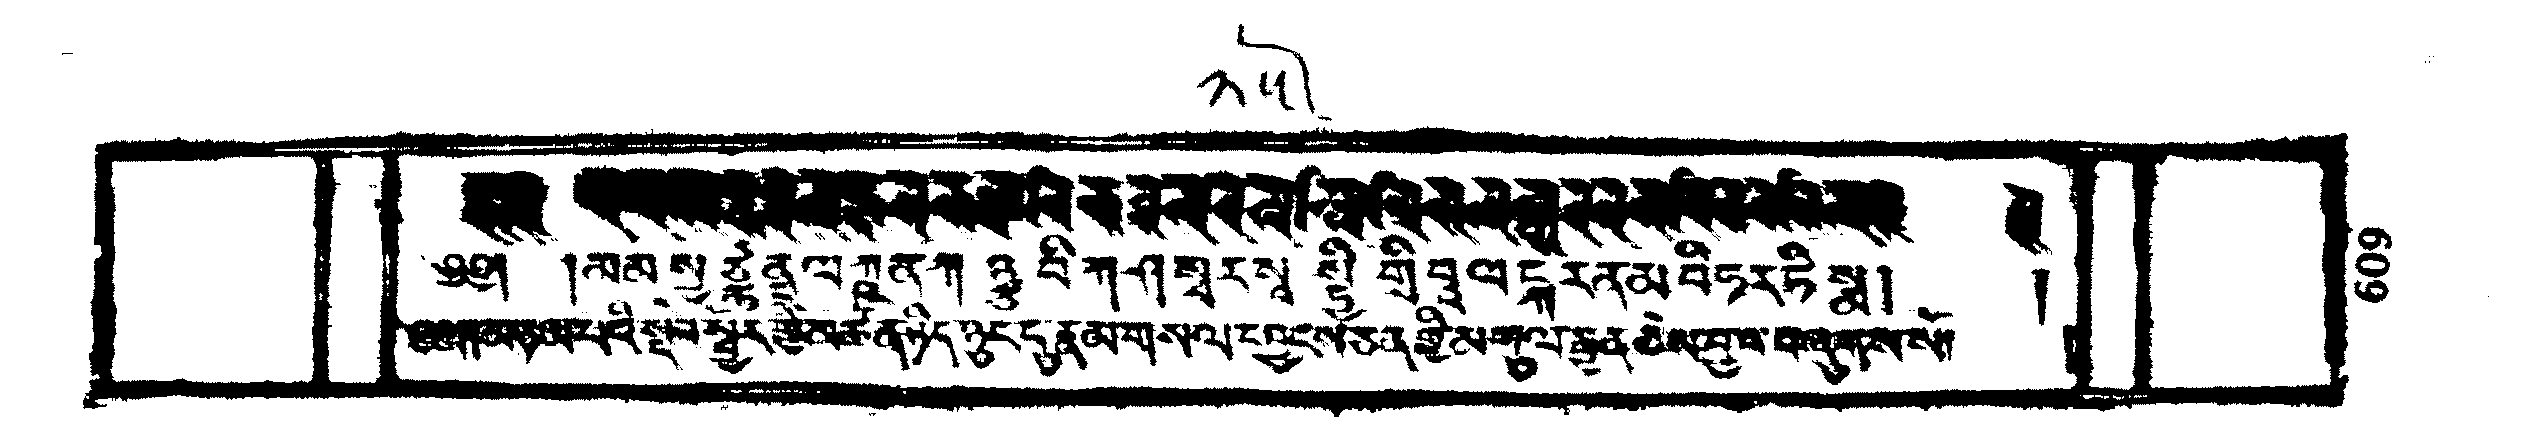༄༅། །མམ་སྱ་ཆེ་ནྡུ་ལ་ཀྵ་ན་ཀ་ཥྩ་བི་ཀ་ཤ་སྭ་ར་སཱ་སྟྱི་ཀྲི་བཱ་ལ་ངྐ་ར་ན་མ་བི་ཧར་ཏི་སྨ། །
༄༅། །མཉམ?་པའི་སྡེབ་སྦྱོར་གྱི་མཚན་ཉིད་ཉུང་དུ་རྣམ་གསལ་དབྱངས་ཅན་གྱི་མགུལ་རྒྱན་ཅེས་བུས་བཞུགས་སོ། །